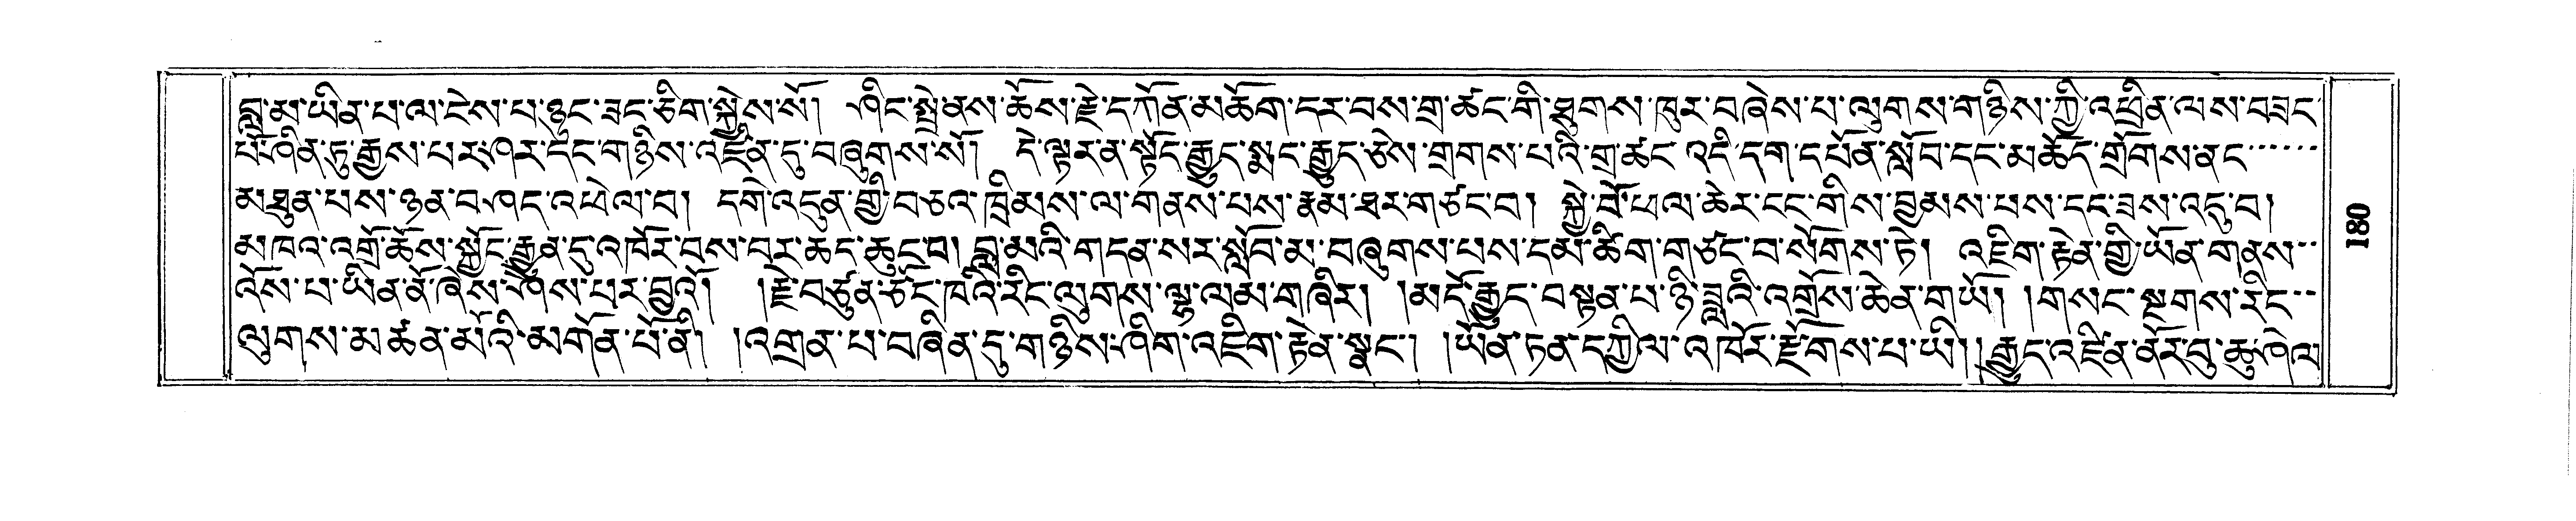བླ་མ་ཡིན་པ་ལ་ངེས་པ་ཉུང་ཟང་ཅིག་སྐྱེས་སོ། ཤིང་སྤྲེ་ནས་ཆོས་རྗེ་དཀོན་མཆོག་དར་བས་གྲ་ཚང་གི་ཐུགས་ཁུར་བཞེས་པ་ལུགས་གཉིས་ཀྱི་འཕྲིན་ལས་བཟང་
པོ་ཤིན་ཏུ་རྒྱས་པར་ཤར་དང་གཉིས་འཛིན་དུ་བཞུགས་སོ། དེ་ལྟར་ན་སྟོད་རྒྱུད་སྨད་རྒྱུད་ཅེས་གྲགས་པའི་གྲ་ཚང་འདི་དག་དཔོན་སློབ་དང་མཆོད་གྲོགས་ནང་
མཐུན་པས་ཉན་བཤད་འཕེལ་བ། དགེ་འདུན་གྱི་བཅའ་ཁྲིམས་ལ་གནས་པས་རྣམ་ཐར་གཙང་བ། སྐྱེ་བོ་ཧལ་ཆེར་དང་གིས་བྱམས་པས་དང་བཟས་འདུ་བ།
མཁའ་འགྲོ་ཆོས་སྐྱོང་རྒྱུན་དུ་འཁོར་བས་བར་ཆད་ཆུང་བ། བླ་མའི་གདན་སར་སློབ་མ་བཞུགས་པས་དམ་ཚོག་གཙང་བ་སོགས་ཏེ། འཇིག་རྟེན་གྱི་ཡོན་གནས་
འོས་པ་ཡིན་ནོ་ཞེས་ཤེས་པར་བྱའོ། །རྗེ་བཙུན་ཙོང་ཁའི་རིང་ལུགས་ལྷ་ལམ་གཞིར། །མདོ་རྒྱུད་བསྟན་པ་ཉི་ཟླའི་འགྲོས་ཆེན་གཡོ། །གསང་སྔགས་རིང་
ལུགས་མཚན་མོའི་མགོན་པོ་ནི། །འགྲན་པ་བཞིན་དུ་གཉིས་ཤིག་འཇིག་རྟེན་སྣང་། །ཡོན་ཏན་དཀྱིལ་འཁོར་རྫོགས་པ་ཡི། །རྒྱུད་འཛིན་ནོར་བུ་ཆུ་ཤེལ་